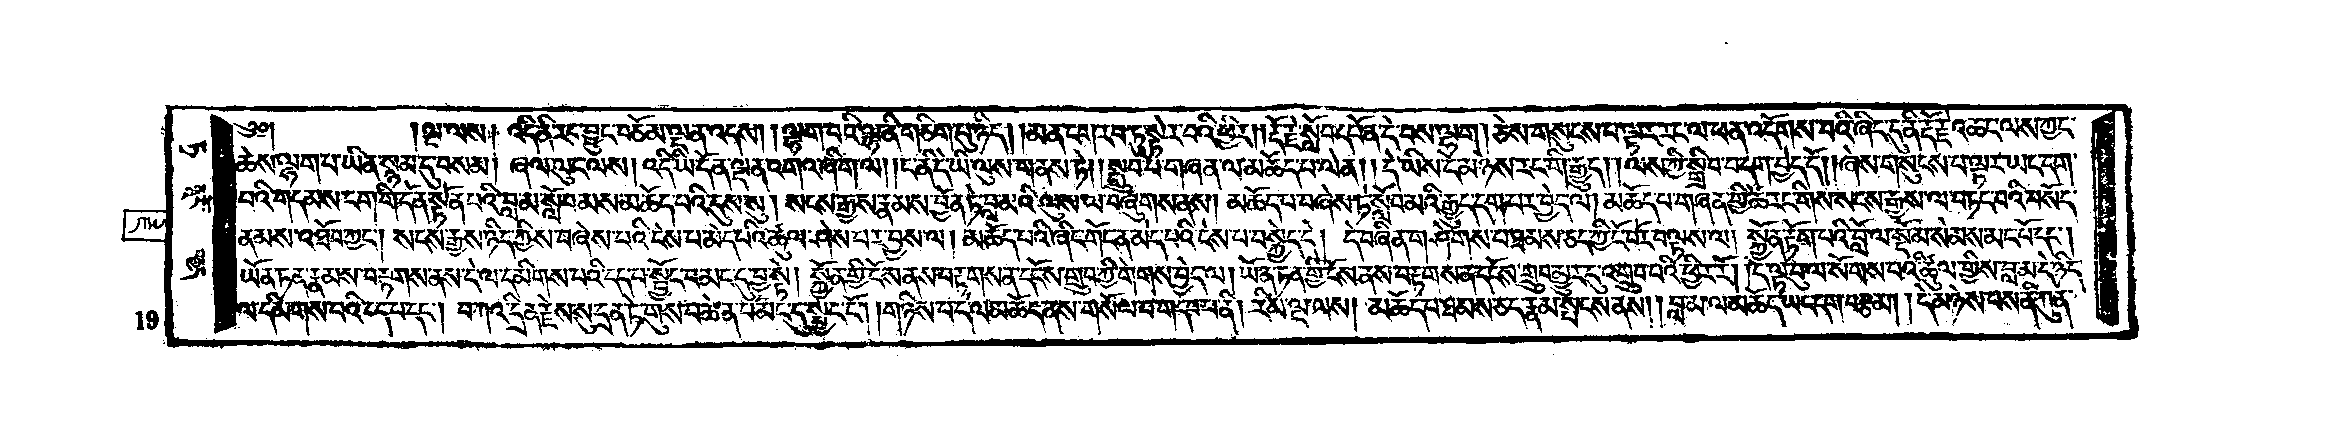༄༅། །ལྔ་ལས། འདི་ནི་རང་བྱུང་བཅོམ་ལྡན་འདས། །ལྷག་པའི་ལྷ་ནི་གཅིག་པུ་ཉིད། །མན་ངག་རབ་ཏུ་སྟེར་བའི་ཕྱིར། །རྡོ་རྗེ་སློབ་དཔོན་དེ་བས་ལྷག །ཅེས་གསུངས་པ་ལྟར་རང་ལ་ཕན་འདོགས་བའི་ཞིང་དུ་ནི་རྡོ་རྗེ་འཆང་ལས་ཀྱང་
ཆེས་ལྷག་པ་ཡིན་སྙམ་དུ་བསམ། ཞལ་ལུང་ལས། འདི་ཡི་དོན་ལྡན་འགའ་ཞིག་ལ། །ང་ནི་དེ་ཡི་ལུས་གནས་ཏེ། སྒྲུབ་པ་གཞན་ལ་མཆོད་པ་ལེན། །དེ་ཡིས་དེ་མཉེས་རང་གི་རྒྱུད། །ལས་ཀྱི་སྒྲིབ་པ་དག་བྱེད་དོ། །ཞེས་གསུངས་པ་ལྟར་ཡང་དག་
པའི་གདམས་ངག་གི་དོན་སྟོན་པའི་བླ་མ་སློབ་མས་མཆོད་པའི་དུས་སུ། སངས་རྒྱས་རྣམས་བྱོན་ཏེ་བླ་མའི་ལུས་ལ་བཞུགས་ནས། མཆོད་པ་བཞེས་ཏེ་སློབ་མའི་རྒྱུད་དག་པར་བྱེད་ལ། མཆོད་པ་གཞན་གྱི་ཚེ་རང་གིས་སངས་རྒྱས་ལ་བཏང་བའི་བསོད་
ནམས་འཐོབ་ཀྱང་། སངས་རྒྱས་ཉིད་ཀྱིས་བཞེས་པའི་ངེས་པ་མེད་པའི་ཚུལ་ཤེས་པར་བྱས་ལ། མཆོད་པའི་ཞིང་གོང་ན་མེད་པའི་ངེས་པ་བསྐྱེད་དེ། དེ་བཞིན་གཤེགས་པ་ཐམས་ཅད་ཀྱི་ངོ་བོར་བལྟས་ལ། སྐྱོན་རྟོག་པའི་བློ་ལ་སྡོམ་སེམས་མང་པོ་དང་།
ཡོན་ཏན་རྣམས་བརྟགས་ནས་དེ་ལ་དམིགས་པའི་དད་པ་སྦྱོང་བ་མང་དུ་བྱ་སྟེ། སྐྱོན་གྱི་ངོས་ནས་བརྟགས་ན་དངོས་གྲུབ་ཀྱི་གེགས་བྱེད་ལ། ཡོན་ཏན་གྱི་ངོས་ནས་བརྟགས་ན་དངོས་གྲུབ་མྱུར་དུ་འགྲུབ་པའི་ཕྱིར་རོ། །དེ་ལྟ་བུ་ལ་སོགས་པའི་ཚུལ་གྱིས་བླ་མ་དེ་ཉིད་
ལ་དམིགས་པའི་དད་པ་དང་། བཀའ་དྲིན་རྗེས་སུ་དྲན་ཏེ་གུས་པ་ཆེན་པོ་མང་དུ་སྦྱང་ངོ། །གཉིས་པ་དེ་ལ་མཆོད་ནས་གསོལ་བ་གདབ་པ་ནི། རིམ་ལྔ་ལས། མཆོད་པ་ཐམས་ཅད་རྣམ་སྤངས་ནས། །བླ་མ་ལ་མཆོད་ཡང་དག་བརྩམ། །དེ་མཉེས་པས་ནི་ཀུན་